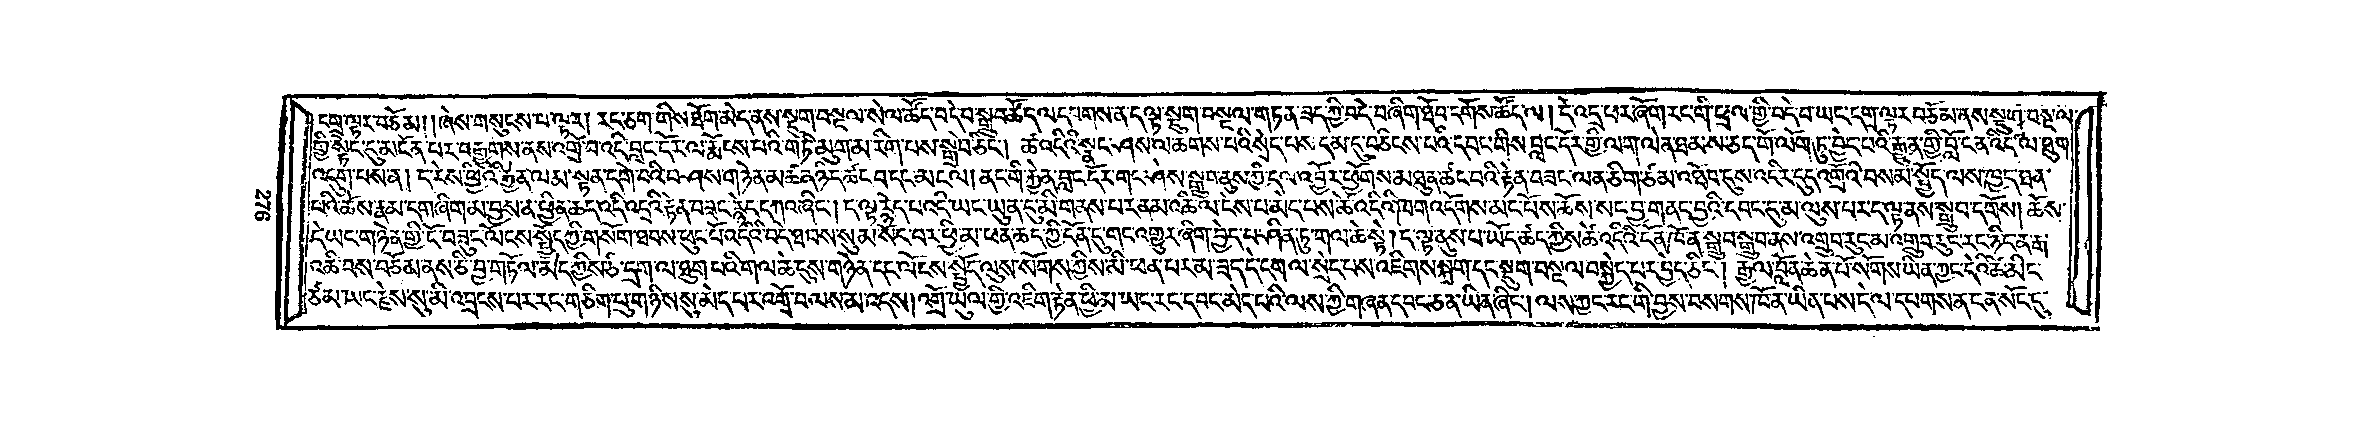དགྲ་ལྟར་བཅོམ། །ཞེས་གསུངས་པ་ལྟར། རང་ཅག་གིས་ཐོག་མེད་ནས་སྡུག་བསྔལ་སེལ་ཚོད་བདེ་བ་སྒྲུབ་ཚོད་ལ་དཔགས་ན་ད་ལྟ་སྡུག་བསྔལ་གཏན་ཟད་ཀྱི་བདེ་བ་ཞིག་ཐོབ་དགོས་ཚོད་ལ། དེ་འདྲ་ཕར་ཞོག་རང་གི་ཕྲལ་གྱི་བདེ་བ་ཡང་དགྲ་ལྟར་བཅོམ་ནས་སྡུག་བསྔལ་
གྱི་སྟེང་དུ་མངོན་པར་བརྒྱུགས་ནས་འགྲོ་བ་འདི་བླང་དོར་ལ་རྨོངས་པའི་གཏི་མུག་མ་རིག་པས་སྒྲེབ་ཅིང་། ཚ་འདིའི་སྣང་ཤས་ལ་ཆགས་པའི་སྲེད་པས་དམ་དུ་བཅིངས་པའི་དབང་གིས་བླང་དོར་གྱི་ལག་ལེན་ཐམས་ཅད་གོ་ལོག་ཏུ་བྱེད་པའི་རྒྱུན་གྱི་བློ་ངན་འདི་ལ་ཐུག་
འདུག་པས་ན། ད་རེས་ཕྱིའི་རྐྱེན་ལམ་སྟན་དགེ་བའི་བཤས་གཉེན་མཚན་ཉིད་ཚང་བ་དང་མངལ། ནང་གི་རྐྱེན་བླང་དོར་གང་ཤེས་སྒྲུབ་ནུས་ཀྱི་དལ་འབྱོར་ཕྱོགས་མཐུན་ཚང་བའི་རྟེན་བཟང་ལན་ཅིག་ཙམ་འཐོབ་དུས་འདིར་དུད་འགྲོའི་བསམ་སྤྱོད་ལས་ཁྱད་ཐན་
པའི་ཆོས་རྣམ་དག་ཞིག་མ་བྱས་ན་ཕྱིན་ཆད་འདི་འདྲའི་རྟེན་བཟང་རྙེད་དཀའ་ཞིང་། ད་ལྟ་རྙེད་པ་འདི་ཡང་ཡུན་དུ་མི་གནས་པར་ནམ་འཆི་ལ་ངེས་པ་མེད་པས་ཚེ་འདིའི་ཁག་འདོགས་མང་པོས་ཆོས་སང་བྱ་གནང་བྱའི་དབང་དུ་མ་ལུས་པར་ད་ལྟ་ནས་སྒྲུབ་དགོས། ཆོས་
དེ་ཡང་གཉེན་གྱི་ངོ་བཟུང་ལོངས་སྤྱོད་ཀྱི་གསོག་ཐབས་ཕུང་པོ་འདིའི་བདེ་ཐབས་སུམ་སོང་བར་ཕྱི་མ་ཕན་ཆད་ཀྱི་དོན་དུ་གང་འགྱུར་ཞིག་བྱེད་པ་ཤིན་ཏུ་གལ་ཆེ་སྟེ། ད་ལྟ་ནུས་པ་ཡོད་ཚད་ཀྱིས་ཚེ་འདིའི་དོན་ཁོ་ན་སྒྲུབ་སྒྲུབ་ནས་འགྲུབ་རུང་མ་འགྲུབ་རུང་རང་ཉིད་ན་རྒ་
འཆི་བས་བཅོམ་ནས་ཅི་བྱ་གཏོལ་མེད་ཀྱིས་ཅི་དྲག་ལ་ཐུག་པའི་གལ་ཆེ་དུས་གཉེན་དང་ལོངས་སྤྱོད་ལུས་སོགས་ཀྱིས་མི་ཕན་པར་མ་ཟད་དེ་དག་ལ་སྲེད་པས་འཇིགས་སྐྲག་དང་སྡུག་བསྔལ་བསྐྱེད་པར་བྱེད་ཅིང་། རྒྱལ་བློན་ཆེན་པོ་སོགས་ཡིན་ཀྱང་དེའི་ཚེ་མིང་
ཙམ་ཡང་རྗེས་སུ་མི་འབྲངས་པར་རང་གཅིག་པུ་གཉིས་སུ་མེད་པར་འགྲོ་བ་ལས་མ་འདས། འགྲོ་ཡུལ་གྱི་འཇིག་རྟེན་ཕྱི་མ་ཡང་རང་དབང་མེད་པའི་ལས་ཀྱི་གཞན་དབང་ཅན་ཡིན་ཞིང་། ལས་ཀྱང་རང་གི་བྱས་བསགས་ཁོ་ན་ཡིན་པས་དེ་ལ་དཔགས་ན་ངན་སོང་དུ་